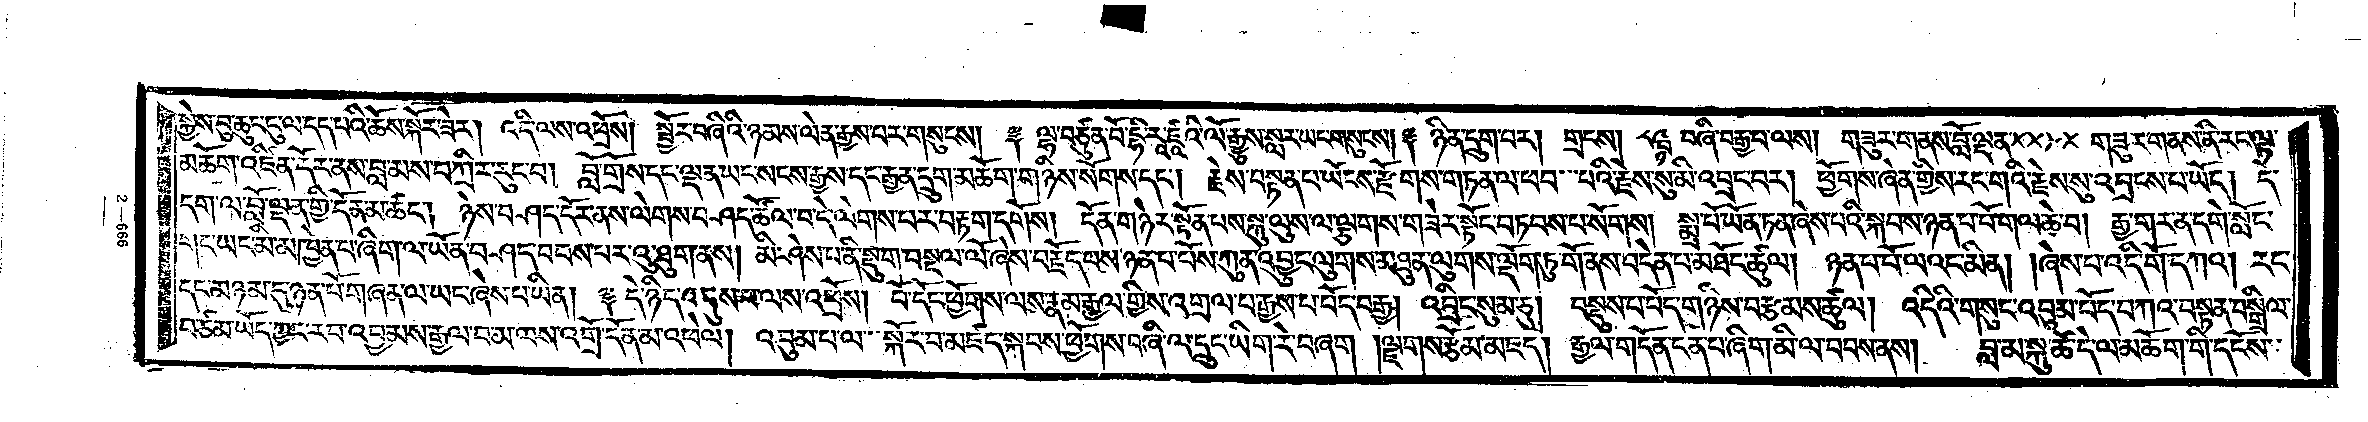སྐྱེས་བུ་ཆུང་དུ་ལ་དད་པའི་ཆོས་སྐོར་ཟེར། འདི་ལས་འཕྲོས། སྦྱོར་བཞིའི་ཉམས་ལེན་རྒྱས་བར་གསུངས། ༈ ལྷ་བཙུན་བོ་དྷི་རཱ་ཛཱའི་ལོ་རྒྱུས་སླར་ཡང་གསུངས། ༈ ཉིན་དྲུག་པར། གྲངས། ༨༩བ༡་བཞི་བརྒྱ་པ་ལས། གཟུར་གནས་བློ་ལྡན་྾྾྾་གཟུང་གནས་ནི་རང་ལྟ་
མཆོག་འཛིན་དོར་ནས་བླ་མས་བཀྲིར་རུང་བ། བློ་གྲོས་དང་ལྡན་ཡང་སངས་རྒྱས་དང་རྒྱན་དྲུག་མཆོག་གཉིས་སོགས་དང་། རྗེས་བསྟན་པ་ཡོངས་རྫོགས་གཏན་ལ་ཕབ་པའི་རྗེས་སུ་མི་འབྲང་བར། ཕྱོགས་ཞེན་གྱིས་རང་གའི་རྗེས་སུ་འབྲངས་པ་ཡོད། དེ་
དག་ལ་བློ་ལྡན་གྱི་དོན་མ་ཚང་། ཉེས་བཤད་དོར་ནས་ལེགས་བཤད་ཚོལ་བ་དེ་ལེགས་པར་བརྟག་དགོས། དོན་གཉེར་སྟོན་པས་སྐུ་ལུས་ལ་ལྕགས་གཟེར་སྟོང་བཏབས་པ་སོགས། སྨྲ་བོ་ཡོན་ཏན་ཞེས་པའི་སྐབས་ཉན་པ་པོ་གལ་ཆེ་བ། རྒྱ་གར་ན་དགེ་སློང་
གང་ཡང་མི་མཁྱེན་པ་ཞིག་ལ་ཡོན་བཤད་བབས་པར་འུ་ཐུག་ནས། མི་ཤེས་པ་ནི་སྡུག་བསྔལ་ལོ་ཞེས་བརྗོད་པས་ཉན་པ་པོས་ཀུན་འབྱུང་ལུགས་མཐུན་ལུགས་ལྡོག་ཏུ་གོ་ནས་བདེན་པ་མཐོང་ཚུལ། ཉན་པ་པོ་ལའང་མིན། །ཞེས་པ་འདི་གོ་དཀའ། རང་
དང་མཉམ་དུ་ཉན་པོ་གཞན་ལ་ཡང་ཞེས་པ་ཡིན། ༈ དེ་ཉིད་འདུས་པ་ལས་འཕྲོས། བོ་དོང་ཕྱོགས་ལས་རྣམ་རྒྱལ་གྱིས་འགྲལ་པ་རྒྱས་པ་པོད་བརྒྱ། འབྲིང་སུམ་ཅུ། བསྡུས་པ་པོད་གཉིས་བརྩམས་ཚུལ། འདིའི་གསུང་འབུམ་པོད་བཀའ་བསྟན་བསྒྲིལ་
པ་ཙམ་ཡོད་ཀྱང་རབ་འབྱམས་རྒྱལ་བ་མ་ལས་འགྲོ་དོན་མ་འཕེལ། འབུམ་པ་ལ་སྐོར་བ་མཛད་སྐབས་ཕྱོགས་བཞི་ལ་དྲུང་ཡིག་རེ་བཞག །ལྗགས་རྩོམ་མཛད། རྒྱལ་གདོན་ངན་བ་ཞིག་མི་ལ་བབས་ནས། བླ་མ་སྐུ་ཚེ་དེ་ལ་མཆོག་གི་དངོས་